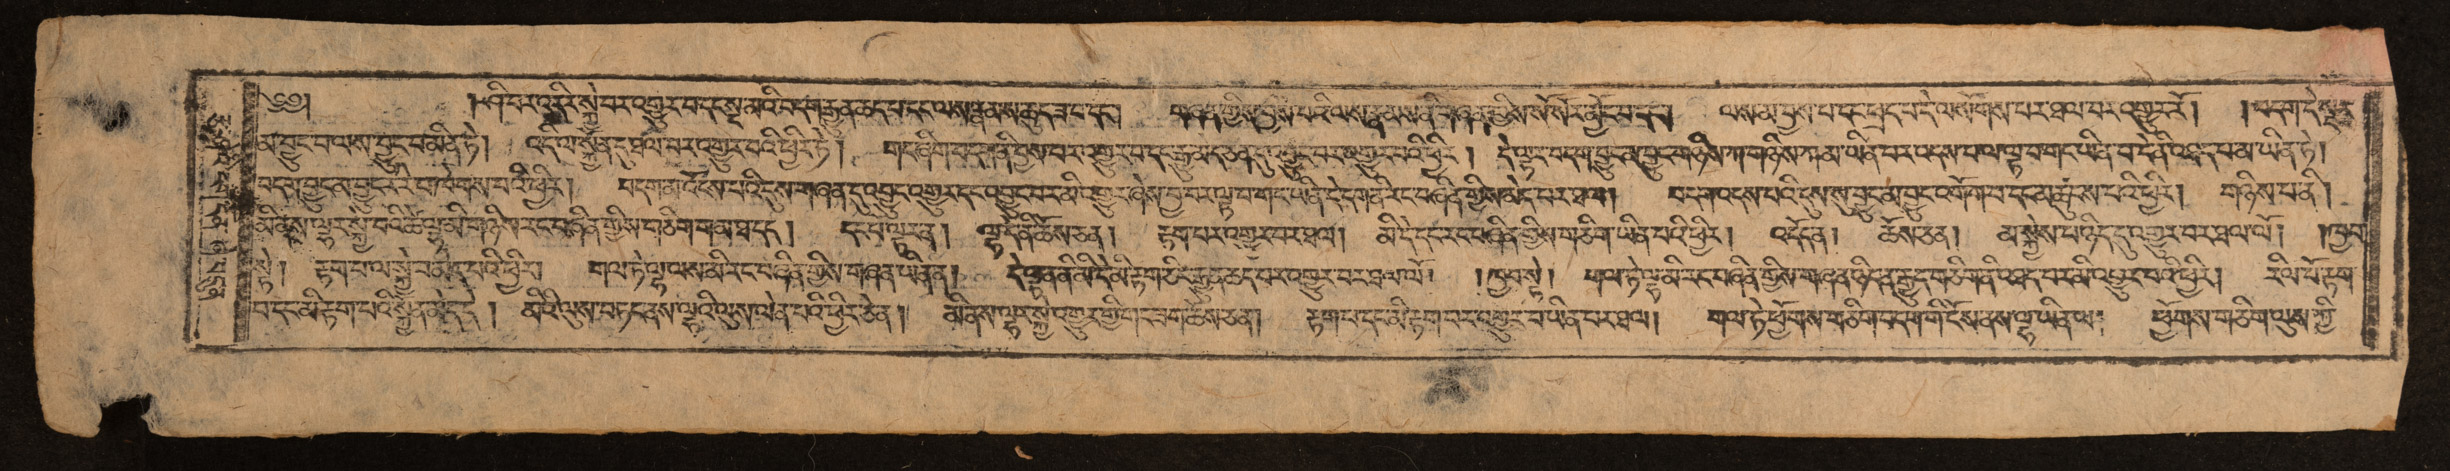༄༅། །ཤི་བར་འདིར་སྐྱེ་བར་འགྱུར་བ་དང་སྔ་མའི་བདག་རྒྱུན་ཆད་པ་དང་ལས་རྣམས་ཆུད་ཟ་བ་དང་། གཞན་གྱིས་བྱས་པའི་ལས་རྣམས་ནི་གཞན་གྱིས་སོ་སོར་མྱོང་བ་དང་། ལས་མ་བྱས་པ་དང་ཕྲད་པ་དེ་ལ་སོགས་པར་ཐལ་བར་འགྱུར་རོ། །བདག་དེ་སྔར་
མ་བྱུང་བ་ལས་བྱུང་བ་མིན་ཏེ། འདི་ལ་སྐྱེན་དུ་ཐལ་བར་འགྱུར་བའི་ཕྱིར་ཏེ། གང་ཞིག་བདག་ནི་བྱས་པར་འགྱུར་བ་དང་རྒྱུ་མེད་ཅན་དུ་འབྱུང་བར་འགྱུར་བའི་ཕྱིར། དེ་ལྟར་བདག་བྱུང་མ་བྱུང་གཉིས་ཀ་གཉིས་ཀ་མ་ཡིན་པར་འདས་པ་ལ་ལྟ་བ་གང་ཡིན་པ་དེ་ནི་འཐད་པ་མ་ཡིན་ཏེ།
བདག་བྱུང་མ་བྱུང་རེ་རེ་བ་ཁེགས་པའི་ཕྱིར། བདག་མ་འོངས་པའི་དུས་གཞན་དུ་འབྱུང་འགྱུར་དང་འབྱུང་བར་མི་འགྱུར་ཞེས་བྱ་བར་ལྟ་བ་གང་ཡིན་དེ་དག་ནི་རང་བཞིན་གྱིས་མེད་པར་ཐལ། བདག་འདས་པའི་དུས་སུ་བྱུང་མ་བྱུང་འགོག་པ་དང་མཚུངས་པའི་ཕྱིར། གཉིས་པ་ནི།
མི་ནས་ལྷར་སྐྱེ་བའི་ཚེ་ལྷ་མི་གཉིས་རང་བཞིན་གྱིས་གཅིག་གམ་ཐ་དད། དང་པོ་ལྟར་ན། ལྷ་དེ་ནི་ཆོས་ཅན། རྟག་པར་འགྱུར་བར་ཐལ། མི་དེ་དང་རང་བཞིང་ཡིས་གཅིག་ཡིན་པའི་ཕྱིར། འདོད་ན། ཆོས་ཅན། མ་སྐྱེས་པ་ཉིད་དུ་འགྱུར་བར་ཐལ་ལོ། །ཁྱབ་
སྟེ། རྟག་པ་ལ་སྐྱེ་བ་མེད་པའི་ཕྱིར། གལ་ཏེ་ལྷ་ལས་མི་རང་བཞིན་གྱིས་གཞན་ཡིན་ན། དེ་ལྟ་ན་ནི་མི་དེ་མི་རྟག་ཅིང་རྒྱུན་ཆད་པར་འགྱུར་བར་ཐལ་ལོ། །ཁྱབ་སྟེ། གལ་ཏེ་ལྷ་མི་རང་བཞིན་གྱིས་གཞན་ཉིད་ན་རྒྱུད་གཅིག་ནི་འཐད་པར་མི་འགྱུར་བའི་ཕྱིར། རིལ་པོ་རྟག་
པ་དང་མི་རྟག་པའི་སྐྱོན་མེད་དེ། མིའི་ལུས་བཏང་ནས་ལྷའི་ལུས་ལེན་པའི་ཕྱིར་ཅེ་ན། མི་ནས་ལྷར་སྐྱེ་འགྱུར་གྱི་གང་ཟག་ཆོས་ཅན། རྟག་པ་དང་མི་རྟག་པར་འགྱུར་བ་ཡིན་པར་ཐལ། གལ་ཏེ་ཕྱོགས་གཅིག་བདག་གི་དངོས་ནས་ལྷ་ཡིན་ལ། ཕྱོགས་གཅིག་ལུས་ཀྱི་